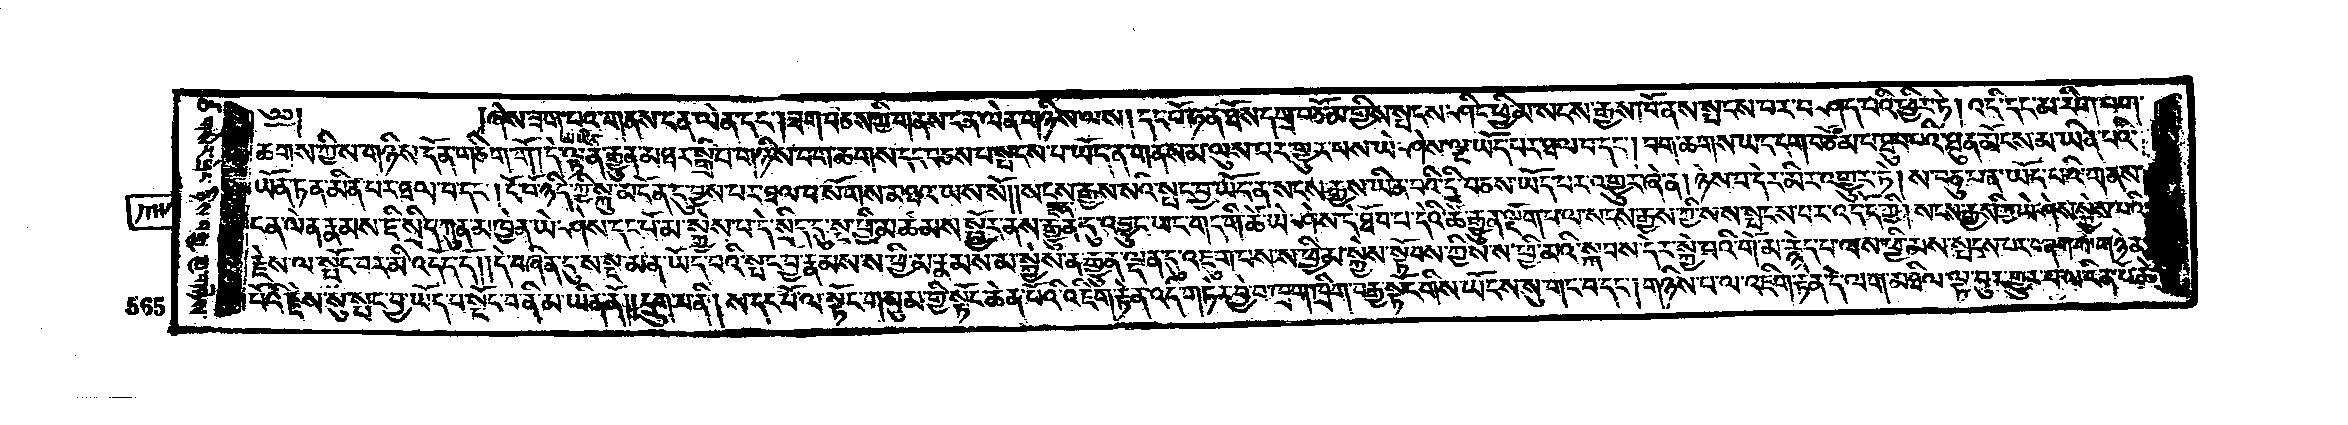༄༅། །ཞེས་ཟག་པའི་གནས་ངན་ལེན་དང་། ཟག་བཅས་ཀྱི་གནས་ངན་ལེན་གཉིས་ལས། དང་པོ་ཉན་ཐོས་དགྲ་བཅོམ་གྱིས་སྤངས་ཤིང་ཕྱི་མ་སངས་རྒྱས་ཁོ་ནས་སྤངས་པར་བཤད་པའི་ཕྱིར་ཏེ། འདི་དང་མ་རིག་བག་
ཆགས་ཀྱིས་གཉིས་དོན་གཅིག་གོ །དེ་ལྟ་མ་ཡིན་ན་རྒྱུན་མཐར་སྒྲིབ་གཉིས་བག་ཆགས་དང་བཅས་པ་སྤངས་པ་ཡོད་ན་གནས་མ་ལུས་པར་གྱུར་པས་ཡེ་ཤེས་ལྔ་ཡོད་པར་ཐལ་བ་དང་། བག་ཆགས་ཡང་དག་བཅོམ་པ་ཐུབ་པའི་ཐུན་མོངས་མ་ཡིན་པའི་
ཡོན་ཏན་མིན་པར་ཐལ་བ་དང་། ངོ་བོ་ཉིད་ཀྱི་སྐུ་མངོན་དུ་བྱས་པར་ཐལ་བ་སོགས་མཐའ་ཡས་སོ། །སངས་རྒྱས་སའི་སྤངས་བྱ་ཡོད་ན་སངས་རྒྱས་ཡིན་པའི་དྲི་བཅས་ཡོད་པར་འགྱུར་ཞེ་ན། ཉེས་པ་དེར་མིར་འགྱུར་ཏེ། ས་བཅུ་པ་ན་ཡོད་པའི་གནས་
ངན་ལེན་རྣམས་ཇི་སྲིད་ཀུན་མཁྱེན་ཡེ་ཤེས་དང་པོ་མ་སྐྱེས་པ་དེ་སྲིད་དུ་སྔ་ཕྱི་མཚམས་སྦྱོར་ནས་རྒྱུན་ལྡན་དུ་འབྱུང་ཡང་གང་གི་ཚེ་ཡེ་ཤེས་དེ་ཐོབ་པ་དེའི་ཚེ་རྒྱུན་ལྡོག་པ་ལ་སངས་རྒྱས་ཀྱི་སས་སྤངས་པར་འདོད་ཀྱི། སངས་རྒྱས་ཀྱི་ཡེ་ཤེས་སྐྱེས་པའི་
རྗེས་ལ་སྤོང་བར་མི་འདོད་དོ། །དེ་བཞིན་དུ་ས་སྔ་མ་ན་ཡོད་པའི་སྤང་བྱ་རྣམས་ས་ཕྱི་མ་རྣམས་མ་སྐྱེས་ན་རྒྱུན་ལྡན་དུ་འཇུག་པས་ས་ཕྱི་མ་སྐྱེས་སྟོབས་ཀྱིས་ས་ཕྱི་མའི་སྐབས་དེར་སྐྱེ་བའི་གོ་མ་རྙེད་པ་ལས་ཕྱི་མས་སྤངས་པར་བཞག་གི་གཉེན་
པོའི་རྗེས་སུ་སྤང་བྱ་ཡོད་པ་སྤོང་བ་ནི་མ་ཡིན་ནོ། །དྲུག་པ་ནི། ས་དང་པོ་ལ་སྟོང་གསུམ་གྱི་སྟོང་ཆེན་པོའི་འཇིག་རྟེན་འདི་གཏེར་བྱེ་བ་ཁྲག་ཁྲིག་བརྒྱ་སྟོང་གིས་ཡོངས་སུ་གང་བ་དང་། གཉིས་པ་ལ་འཇིག་རྟེན་དེ་ལག་མཐིལ་ལྟ་བུར་གྱུར་པ་ལ་རིན་པོ་ཆེ་